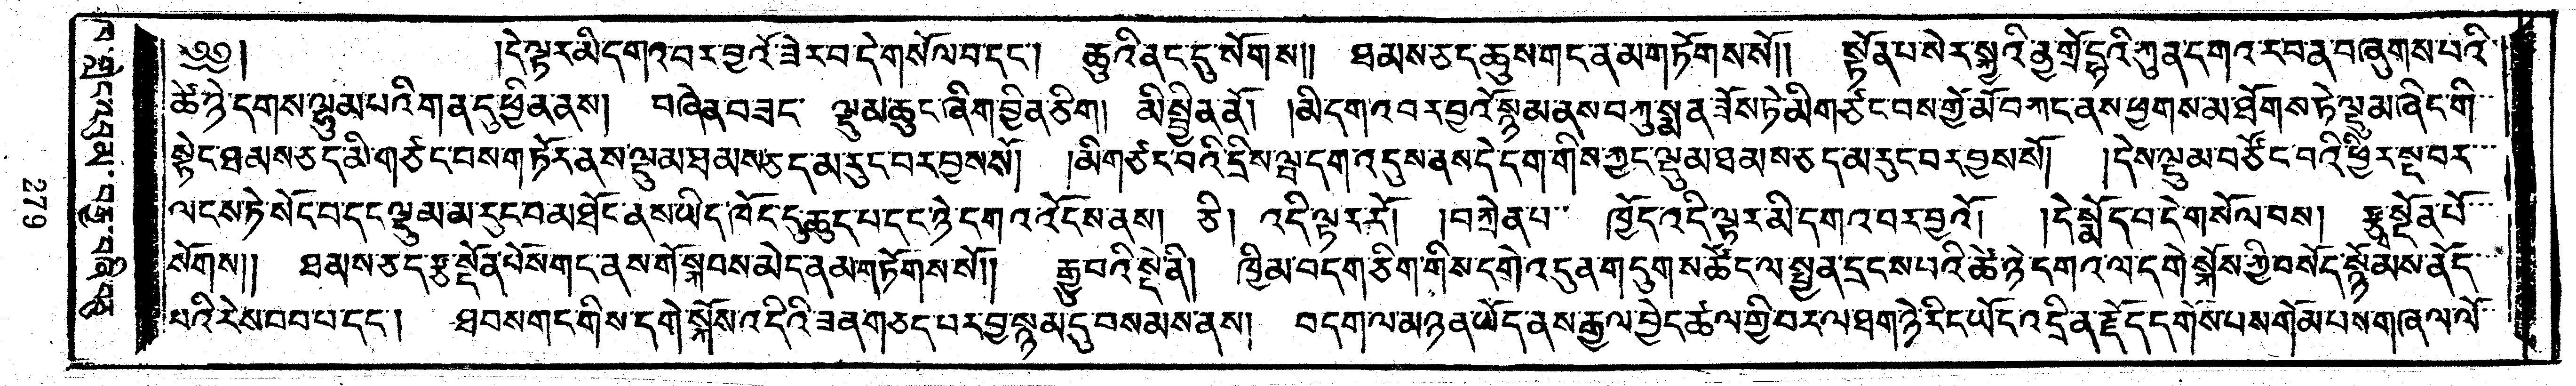༄༅། །དེ་ལྟར་མི་དགའ་བར་བྱའོ་ཟེར་བ་དེ་གསོལ་བ་དང་། ཆུའི་ནང་དུ་སོགས།། ཐམས་ཅད་ཆུས་གང་ན་མ་གཏོགས་སོ།། སྟོན་པ་སེར་སྐྱའི་ནྱ་གྲོ་དྷའི་ཀུན་དགའ་རབ་ན་བཞུགས་པའི་
ཚེ་ཉེ་དགས་ལྷུམ་པའི་གན་དུ་ཕྱིན་ནས། བཞེན་བཟང་ལྡུམ་ཆུང་ཞིག་བྱིན་ཅིག། མི་སྦྱིན་ནོ། །མི་དགའ་བར་བྱའོ་སྙམ་ནས་བཀུ་སྨན་ཟོས་ཏེ་མི་གཙང་བས་གྱོ་མོ་བཀང་ནས་ཕྱགས་མ་ཐོགས་ཏེ་ལྡུམ་ཞིང་གི་
སྟེང་ཐམས་ཅད་མི་གཙང་བས་གཏོར་ནས་ལྡུམ་ཐམས་ཅད་མ་རུང་བར་བྱས་སོ། །མི་གཙང་བའི་དྲིས་ཝ་དག་འདུས་ནས་དེ་དག་གིས་ཀྱང་ལྡུམ་ཐམས་ཅད་མ་རུང་བར་བྱས་སོ། །དེས་ལྡུམ་བཙོང་བའི་ཕྱིར་སྔ་བར་
ལངས་ཏེ་སོང་བ་དང་ལྡུམ་མ་རུང་བ་མཐོང་ནས་ཡིད་ཁོང་དུ་ཆུད་པ་དང་ཉེ་དགའ་འོངས་ནས། ཅི། འདི་ལྟར་རོ། །བཀྲེན་པ། ཁྱོད་འདི་ལྟར་མི་དགའ་བར་བྱའོ། །དེ་སྨོད་པ་དེ་གསོལ་བས། རྩྭ་སྔོན་པོ་
སོགས།། ཐམས་ཅད་རྩ་སྔོན་པོས་གང་ནས་གོ་སྐབས་མེད་ནམ་གཏོགས་སོ།། རྒྱུ་བའི་སྡེ་ནི། ཁྱིམ་བདག་ཅིག་གིས་དགེ་འདུན་གདུགས་ཚོང་ལ་སྤྱན་དྲངས་པའི་ཚེ་ཉེ་དགའ་ལ་དགེ་སྐོས་ཀྱི་བསོད་སྙོམས་ནོད་
པའི་རེས་བབ་པ་དང་། ཐབས་གང་གིས་དགེ་སྐོས་འདིའི་ཟན་གཅད་པར་བྱ་སྙམ་དུ་བསམས་ནས། བདག་ལ་མཉན་ཡོད་ནས་རྒྱལ་བྱེད་ཚལ་གྱི་བར་ལ་ཐག་ཉེ་རིང་ཡོང་འདྲི་ན་རྗོད་དགོས་པས་གོམ་པས་གཞལ་ལོ་